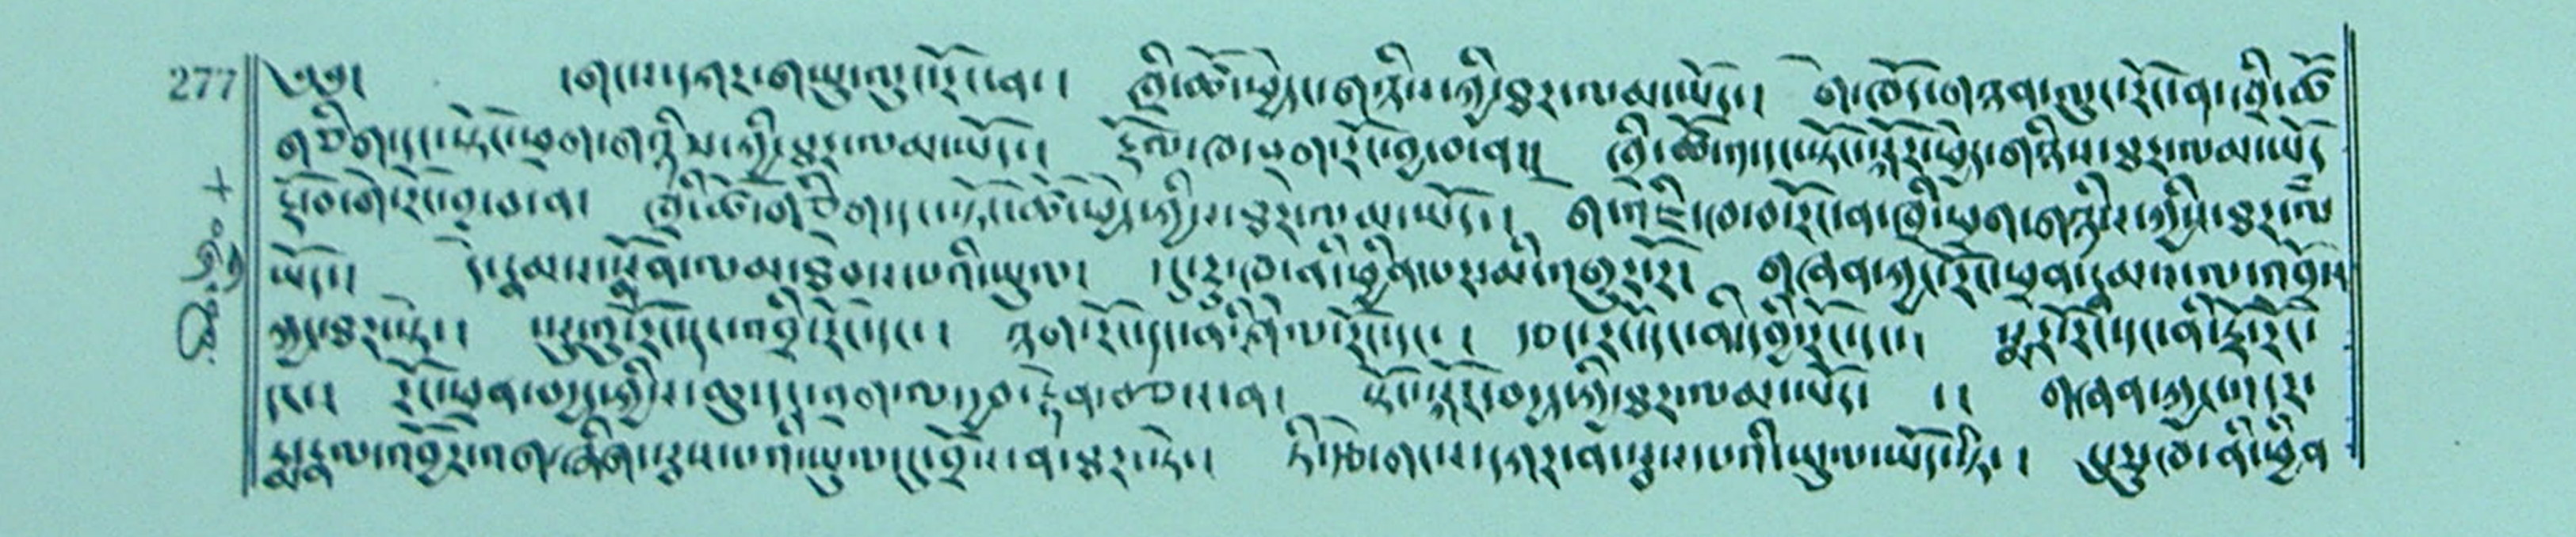༄༅། །གངས་དཀར་གཡུ་ལུང་རོང་ན། ཁྲི་ཚོ་ཕྱེད་དང་གཉིས་ཀྱི་ཐར་ལམ་ཡོད། གེ་ཁོད་གཉན་ལུང་རོང་ནས་ཁྲི་ཚོ་
གཅིག་དང་སྟོང་ཕྲག་གཉིས་ཀྱི་ཐར་ལམ་ཡོད། རྡོལ་ཁ་བྲག་རོང་བྱ་བ་ན། ཁྲི་ཙོ་གཅིག་དང་སྟོང་སྐོར་ཕྱེད་དང་གཉིས་ཐར་ལམ་ཡོད།
 རྡོ་བ་གེ་རོང་བྱ་བ་ན། ཁྲི་ཙོ་གཅིག་དང་སྟོང་ཙོ་ཕྱེད་ཀྱི་ཐར་ལམ་ཡོད། གེ་འཇིང་ཁ་བ་རོང་ན་ཁྲི་ཕྲག་གཉིས་ཀྱི་ཐར་ལམ་
ཡོད། དེ་རྣམས་སྨོན་ལམ་ཐེབས་པའི་ཡུལ་ཡིན་པས། དུ་རུ་ཁ་ནི་ཕྱིན་པར་མི་འགྱུར་རོ། །གཞན་ཀྱང་རོང་ཕྲན་རྣམས་ལ་བྲོས་
ཀྱང་ཐར་ཏེ། སྤུ་འུ་རོང་དང་བྲི་རོང་དང་། ཉག་རོང་དང་ནི་ཤེལ་རོང་དང་། ཙང་རོང་དང་ནི་དབྱི་རོང་དང་། སྨར་རོང་དང་ནི་རྡོ་རོང་
དང་། རོང་ཕྲན་བརྒྱད་ཀྱིས་ཆུ་དང་བྲག་ལ་རྒྱབ་རྟེན་བཅས་ན། སྟོང་སྐོར་བརྒྱད་ཀྱི་ཐར་ལམ་ཡོད། གཞན་ཀྱང་འདར་
རྨ་རྣལ་འབྱོར་འགའ་ཞིག་སྦས་པའི་ཡུལ་དུ་བྲོས་ན་ཐར་ཏེ། ཏི་ཙེ་གངས་དཀར་ན་སྦས་པའི་ཡུལ་ཡོད་ཏེ། །དུ་རུ་ཁ་ཕྱིན་